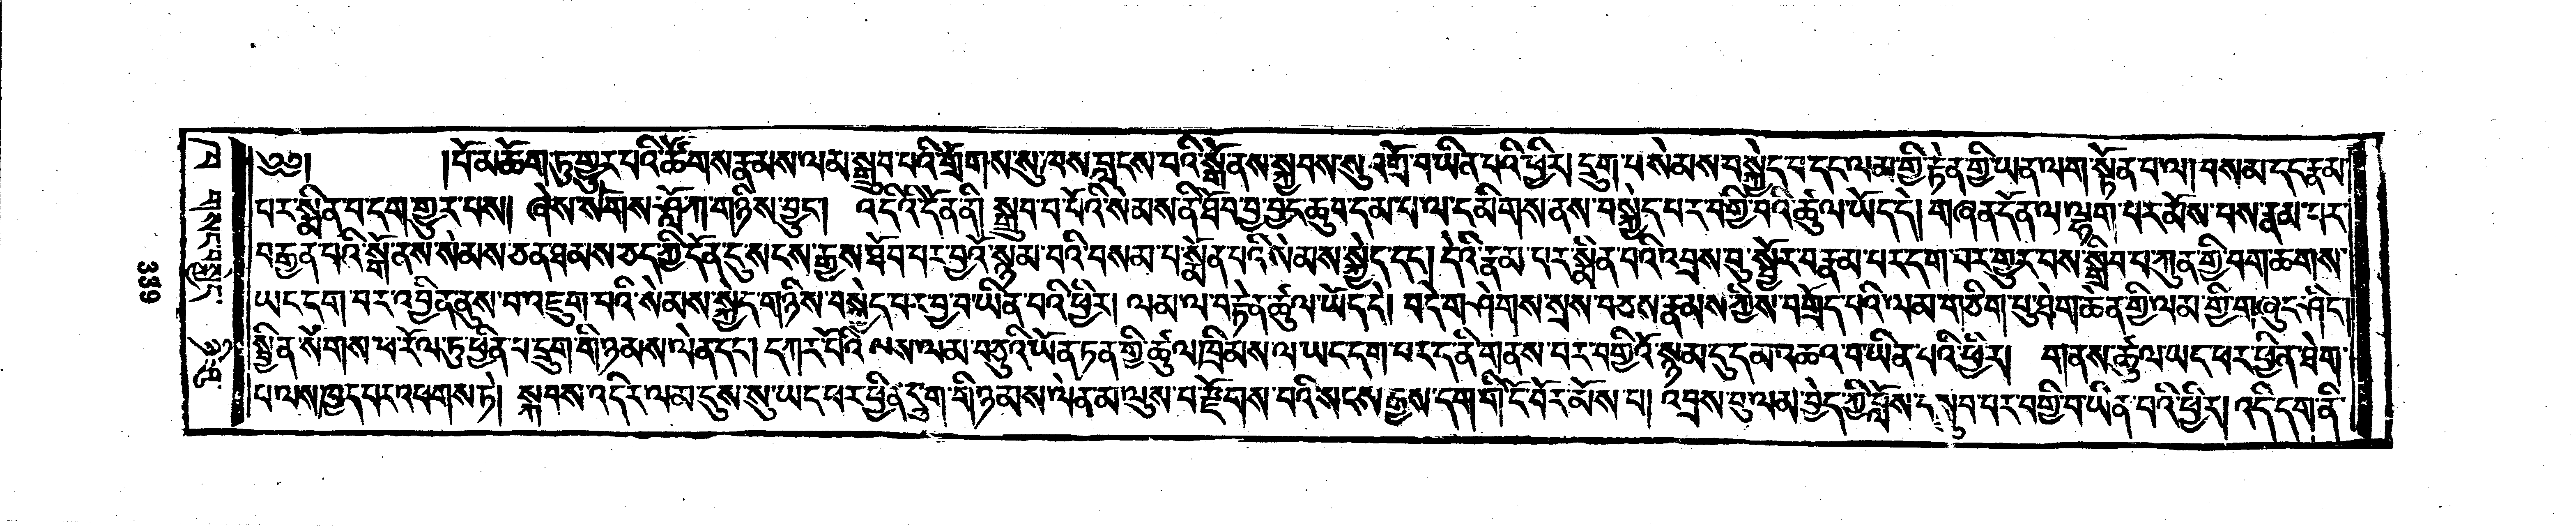༄༅། །པོ་མཆོག་ཏུ་གྱུར་བའི་ཚོགས་རྣམས་ལམ་སྒྲུབ་པའི་གྲོགས་སུ་ཁས་བླངས་པའི་སྒོ་ནས་སྐྱབས་སུ་འགྲོ་བ་ཡིན་པའི་ཕྱིར། དྲུག་པ་སེམས་བསྐྱེད་པ་དང་ལམ་གྱི་རྟེན་གྱི་ཡན་ལག་སྟོན་པ་ལ། བསམ་དང་རྣམ་
པར་སྨིན་པ་དག་གྱུར་པས། ཞེས་སོགས་ཤློ་ཀ་གཉིས་བྱུང་། འདིའི་དོན་ནི། སྒྲུབ་པ་པོའི་སེམས་ནི་ཐོབ་བྱ་བྱང་ཆུབ་དམ་པ་ལ་དམིགས་ནས་བསྐྱེད་པར་བགྱི་བའི་ཚུལ་ཡོད་དེ། གཞན་དོན་ལ་ལྷག་པར་མོས་པས་རྣམ་པར་
བརྒྱན་པའི་སྒོ་ནས་སེམས་ཅན་ཐམས་ཅད་ཀྱི་དོན་དུ་སངས་རྒྱས་ཐོབ་པར་བྱའོ་སྙམ་པའི་བསམ་པ་སྨོན་པའི་སེམས་སྐྱེད་དང་། དེའི་རྣམ་པར་སྨིན་པའི་འབྲས་བུ་སྦྱོར་བ་རྣམ་པར་དག་པར་གྱུར་པས་སྒྲིབ་པ་ཀུན་གྱི་བག་ཆགས་
ཡང་དག་པར་འབྱིན་ནུས་པ་འཇུག་པའི་སེམས་སྐྱེད་གཉིས་བསྐྱེད་པར་བྱ་བ་ཡིན་པའི་ཕྱིར། ལམ་ལ་བརྟེན་ཚུལ་ཡོད་དེ། བདེ་གཤེགས་སྲས་བཅས་རྣམས་ཀྱིས་བགྲོད་པའི་ལམ་གཅིག་པུ་ཐེག་ཆེན་གྱི་ལམ་གྱི་གཞུང་ཤིང་།
སྦྱིན་སོགས་ཕ་རོལ་ཏུ་ཕྱིན་པ་དྲུག་གི་ཉམས་ལེན་དང་། དཀར་པོའི་ལས་ལམ་བཅུའི་ཡོན་ཏན་གྱི་ཚུལ་ཁྲིམས་ལ་ཡང་དག་པར་ད་ནི་གནས་བར་བགྱིའོ་སྙམ་དུ་དམ་འཆའ་བ་ཡིན་པའི་ཕྱིར། གནས་ཚུལ་ཡང་ཕར་ཕྱིན་ཐེག་
པ་ལས་ཁྱད་པར་འཕགས་ཏེ། སྐབས་འདིར་ལམ་དུས་སུ་ཡང་ཕར་ཕྱིན་དྲུག་གི་ཉམས་ལེན་མ་ལུས་པ་རྫོགས་པའི་སངས་རྒྱས་དག་གི་ངོ་བོར་མོས་པ། འབྲས་བུ་ལམ་བྱེད་ཀྱི་བློས་བསྒྲུབ་པར་བགྱི་བ་ཡིན་པའི་ཕྱིར། འདི་དག་ནི་